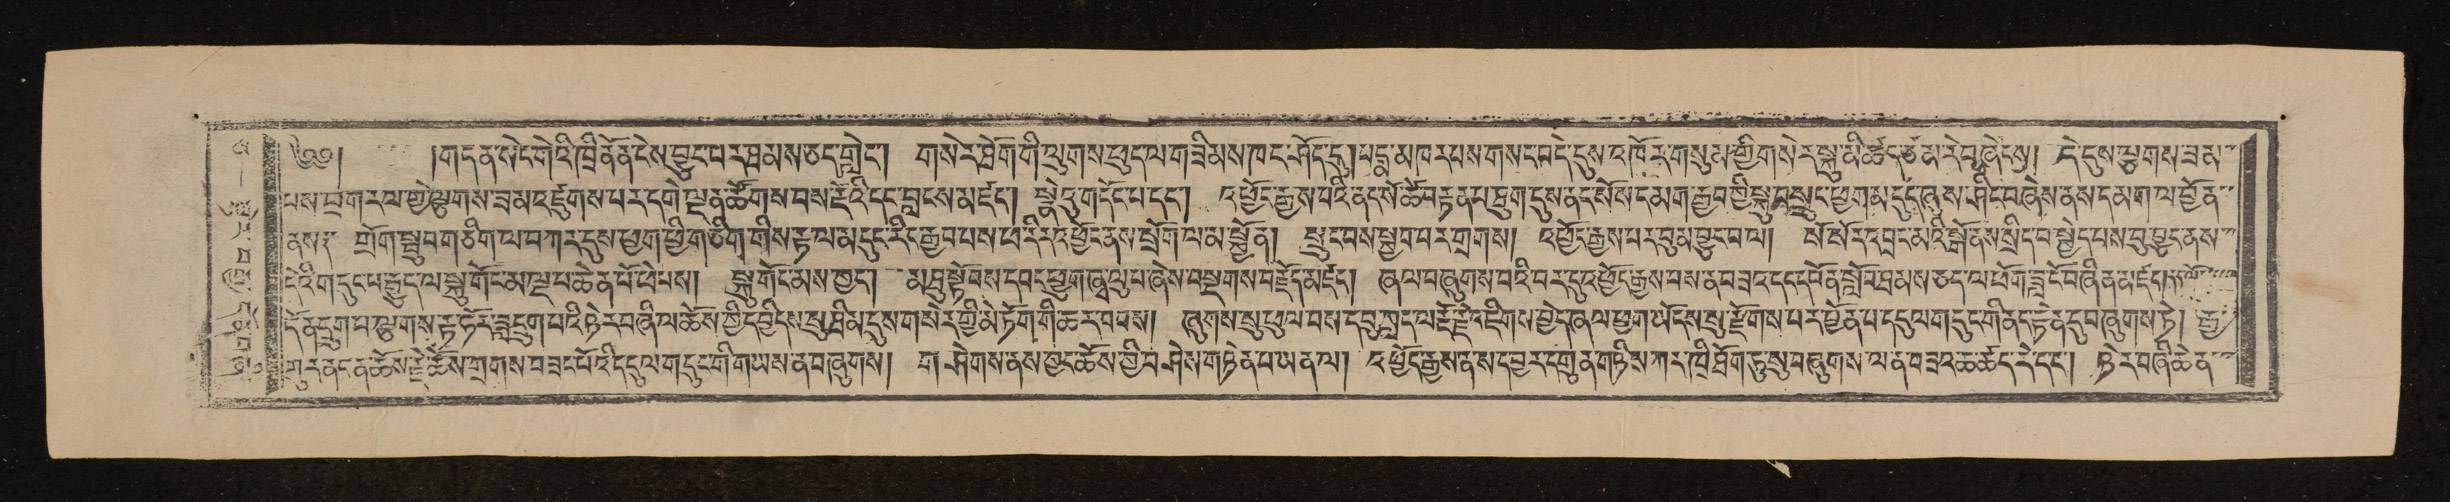༄༅། །གདན་སེང་གེའི་ཁྲི་ནོན་ངེས་བྱུང་བར་ཐམས་ཅད་གླེང་། གསེར་ཐོག་གི་ལུགས་ཕུང་ལ་གཟིམས་ཁང་ཤོད་པུ་པདམ་མཁར་བས་གསང་བདེ་དུས་འཁོར་གསུམ་གྱི་གསེར་སྐུ་མི་ཚད་ཙམ་རེ་བཞེངས། དེ་དུས་ལྕགས་ཟམ་
པས་བྲག་རལ་གྱི་ལྕགས་ཟམ་འཛུགས་པར་དགེ་ལྡན་ཚོགས་པས་རྡོའི་དང་བླངས་མཛད། སྣེའུ་གདོང་བ་དང་། འཕྱོད་རྒྱས་པའི་ནང་ས་ཚེ་བརྟན་པ་ཐུག་དུས་ནང་སོས་དམག་རྒྱབ་ཀྱི་སྐུ་བསྲུང་ཕྱག་མདུད་ཞུས་ཤིང་བཞེས་ནས་དམག་ལ་བྱོན་
ནས༑ གྲོག་སྤུབ་གཅིག་ལ་བཀར་དུས་ཕྱག་ཕྱི་གཅིག་གིས་རྟ་ལ་མདུང་རིང་རྒྱབ་བས་ཕ་རིར་འཕྱོང་ནས་སྲོག་ལ་མ་སྐྱོན། སྲུང་བས་སྐྱབ་པར་གྲགས། འཕྱོད་རྒྱས་པར་བུམ་བྱུང་བ་ལ། སོ་སོར་འབྲང་མའི་སྒོ་ནས་སྲིད་བསྐྱེད་པས་བུ་བྱུང་ནས་
དེའི་གདུང་བརྒྱུད་ལ་སྐུ་གོང་མ་ལྔ་པ་ཆེན་པོ་ཕེབས། སྐུ་གོང་མས་ཀྱང་། མཐུ་སྟོབས་དབང་ཕྱུག་ཞྭ་ལུ་བ་ཞེས་བསྔགས་བརྗོད་མཛད། ཞལ་བ་ཞུགས་པའི་བར་དུ་འཕྱོད་རྒྱས་བས་ན་བཟའ་དང་དཔོན་སློབ་ཐམས་ཅད་ལ་ཕོག་ཟླ་ངོ་བཞིན་མཛད། རང་ལོ་
དོན་དྲུག་པ་ལྕགས་རྟ་ཧོར་ཟླ་དྲུག་པའི་ཉེར་བཞི་ལ་ཆོས་ཀྱི་དབྱིངས་སུ་ཐིམ་དུས་གསེར་གྱི་མེ་ཏོག་གི་ཆར་བབས། ཞུགས་སུ་ཕུལ་བས་དབུ་ཀླད་ལ་རྡོ་རྗེ་འཇིགས་བྱེད་ཞལ་ཕྱག་ཡོངས་སུ་རྫོགས་པར་བྱོན་པ་དངུལ་གདུང་གི་ནང་རྟེན་དུ་བཞུགས་ཏེ། རྒྱ་
གུར་ནང་ན་ཆོས་རྗེ་ཆོས་གྲགས་བཟང་པོའི་དངུལ་གདུང་གི་གཡས་ན་བཞུགས། གཤེགས་ནས་ཀྱང་ཆོས་ཀྱི་བཤེས་གཉེན་པ་ཡན་ལ། འཕྱོང་རྒྱས་ནས་དབྱར་དགུན་གཉིས་ཀར་ཁྲི་ཐོག་ཏུ་སུ་བཞུགས་ལ་ན་བཟའ་ཆ་ཚང་རེ་དང་། ཉེར་བཞི་ཆེན་